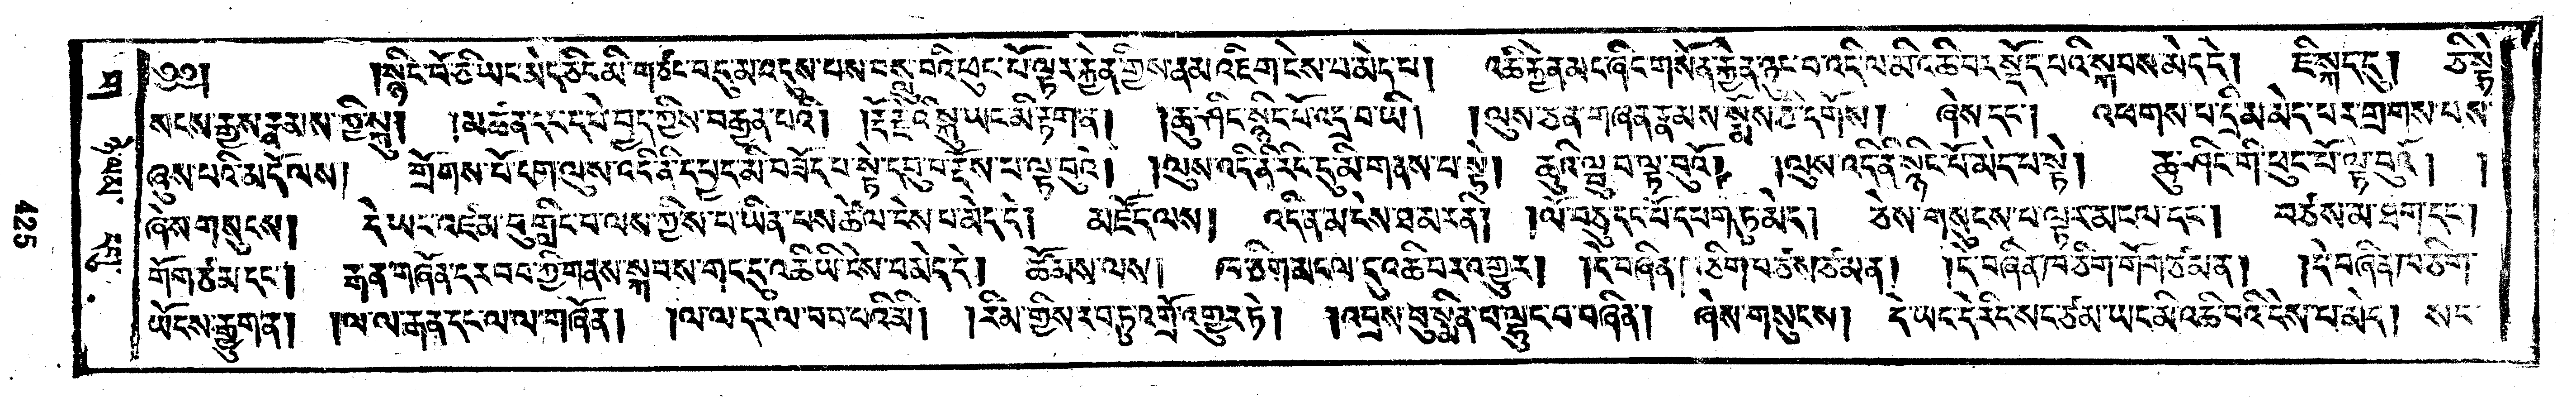༄༅། །སྙིང་བོ་ཅི་ཡང་མེད་ཅིང་མི་གཙང་བ་དུ་མ་འདུས་པས་བསླུ་བའི་ཕུང་པོ་ལྟར་རྐྱེན་གྱིས་ནམ་འཇིག་ངེས་པ་མེད་པ། འཆི་རྐྱེན་མང་ཞིང་གསོན་རྐྱེན་ཉུང་བ་འདི་ལ་མི་འཆི་བར་སྡོད་པའི་སྐབས་མེད་དེ། ཇི་སྐད་དུ། ཅི་སྟེ་
སངས་རྒྱས་རྣམས་ཀྱི་སྐུ། །མཚན་དང་དཔེ་བྱད་ཀྱིས་བརྒྱན་པའི། །རྡོ་རྗེའི་སྐུ་ཡང་མི་རྟག་ན། །ཆུ་ཤིང་སྙིང་པོ་འདྲ་བ་ཡི། །ལུས་ཅན་གཞན་རྣམས་སྨོས་ཅི་དགོས། ཞེས་དང་། འཕགས་པ་དྲི་མ་མེད་པར་གྲགས་པས་
ཞུས་པའི་མདོ་ལས། གྲོགས་པོ་དག་ལུས་འདི་ནི་དཔྱང་མི་བཟོད་པ་སྟེ་དབུ་བ་རྡོས་པ་ལྟ་བུའི། །ལུས་འདི་ནི་རིང་དུ་མི་གནས་པ་སྟེ། ཆུའི་ལྦུ་བ་ལྟ་བུའོ། །ལུས་འདི་ནི་སྙིང་པོ་མེད་པ་སྟེ། ཆུ་ཤིང་གི་ཕུང་པོ་ལྟ་བུའོ། །
ཞེས་གསུངས། དེ་ཡང་འཛམ་བུ་གླིང་བ་ལས་ཀྱིས་པ་ཡིན་པས་ཚེ་ལ་ངེས་པ་མེད་དེ། མཛོད་ལས། འདི་ན་མ་ངེས་ཐ་མར་ནི། །ལོ་བཅུ་དང་པོ་དཔག་ཏུ་མེད། ཅེས་གསུངས་པ་ལྟར་མངལ་དང་། བཙས་མ་ཐག་དང་།
གོག་ཙམ་དང་། རྒན་གཞོན་དར་བབ་ཀྱི་གནས་སྐབས་གང་དུ་འཆི་ཡི་ངེས་བ་མེད་དེ། ཚོམས་ལས། ཁ་ཅིག་མངལ་དུ་འཆི་བར་འགྱུར། །དེ་བཞིན་ཁ་ཅིག་བཙས་ཙམ་ན། །དེ་བཞིན་ཁ་ཅིག་གོག་ཙམ་ན། །དེ་བཞིན་ཁ་ཅིག་
ཡོངས་རྒྱུག་ན། །ལ་ལ་རྒན་དང་ལ་ལ་གཞོན། །ལ་ལ་དར་ལ་བབ་པའི་མི། །རིམ་གྱིས་རབ་ཏུ་འགྲོ་འགྱུར་ཏེ། །འབྲས་བུ་སྨིན་པ་ལྷུང་བ་བཞིན། ཞེས་གསུངས། དེ་ཡང་དེ་རིང་སངས་ཙམ་ཡང་མི་འཆི་བའི་ངེས་པ་མེད། སང་